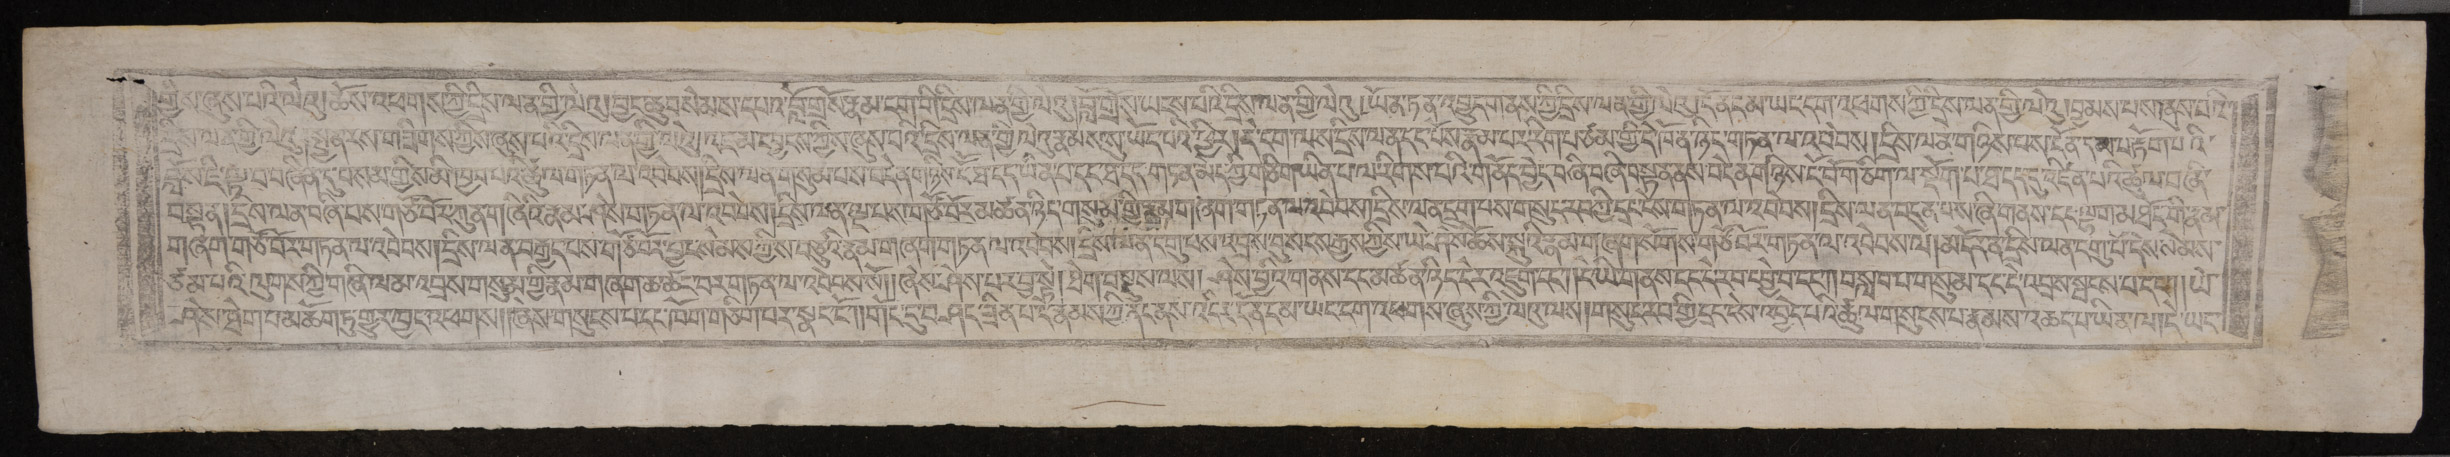ཀྱིས་ཞུས་པའི་ལེའུ། ཆོས་འཕགས་ཀྱི་དྲིས་ལན་གྱི་ལེའུ། བྱང་ཆུབ་སེམས་དཔའ་བློ་གྲོས་རྣམ་དག་གི་དྲིས་ལན་གྱི་ལེའུ། བློ་གྲོས་ཡངས་པའི་དྲིས་ལན་གྱི་ལེའུ། ཡོན་ཏན་འབྱུང་གནས་ཀྱི་དྲིས་ལན་གྱི་ལེའུ། དོན་དམ་ཡང་དག་འཕགས་ཀྱི་དྲིས་ལན་གྱི་ལེའུ། བྱམས་པས་ཞུས་པའི་
དྲིས་ལན་གྱི་ལེའུ། སྤྱན་རས་གཟིགས་ཀྱིས་ཞུས་པའི་དྲིས་ལན་གྱི་ལེའུ། འཇམ་དབྱངས་ཀྱིས་ཞུས་པའི་དྲིས་ལན་གྱི་ལེའུ་རྣམས་སུ་ཡོད་པའི་ཕྱིར། དེ་དག་ལས་དྲིས་ལན་དང་པོས་རྣམ་པར་རིག་པ་ཙམ་གྱི་དེ་ཁོ་ན་ཉིད་གཏན་ལ་འབེབས། དྲིས་ལན་གཉིས་པས་དོན་དམ་པ་རྟོག་གེའི་
བློས་ཇི་ལྟ་བ་བཞིན་དུ་བསམ་གྱིས་མི་ཁྱབ་པའི་ཚུལ་གཏན་ལ་འབེབས། དྲིས་ལན་གསུམ་པས་བདེན་གཉིས་ངོ་ཐ་དད་ཡིན་པ་དང་ཐ་དད་གཏན་མེད་ཀྱི་གཅིག་ཡིན་པ་ལ་རིགས་པའི་གནོད་བྱེད་བཞི་བཞི་བསྟན་ནས་བདེན་གཉིས་ངོ་བོ་གཅིག་ལ་ལྡོག་པ་ཐ་དད་དུ་འཛིན་པའི་ཚུལ་བཞི་
བསྟན། དྲིས་ལན་བཞི་པས་གཙོ་བོར་ཀུན་གཞིའི་རྣམ་ཤེས་གཏན་ལ་འབེབས། དྲིས་ལན་ལྔ་པས་གཙོ་བོར་མཚན་ཉིད་གསུམ་གྱི་རྣམ་གཞག་གཏན་ལ་འབེབས། དྲིས་ལན་དྲུག་པས་གསུང་རབ་ཀྱི་དྲང་ངེས་གཏན་ལ་འབེབས། དྲིས་ལན་བདུན་པས་ཞི་གནས་དང་ལྷག་མཐོང་གི་རྣམ་
གཞག་གཙོ་བོར་གཏན་ལ་འབེབས། དྲིས་ལན་བརྒྱད་པས་གཙོ་བོར་བྱང་སེམས་ཀྱི་ས་བཅུའི་རྣམ་གཞག་གཏན་ལ་འབེབས། དྲིས་ལན་དགུ་པས་འབྲས་བུ་སངས་རྒྱས་ཀྱིས་ཡེ་ཤེས་ཆོས་སྐུའི་རྣམ་གཞག་སོགས་གཙོ་བོར་གཏན་ལ་འབེབས་ལ། མདོར་ན་དྲིས་ལན་དགུ་བོ་དེས་སེམས་
ཙམ་པའི་ལུགས་ཀྱི་གཞི་ལམ་འབྲས་གསུམ་གྱི་རྣམ་གཞག་ཆ་ཚང་བར་གཏན་ལ་འབེབས་སོ། །ཞེས་ཤེས་པར་བྱ་སྟེ། ཐེག་བསྡུས་ལས། ཤེས་བྱའི་གནས་དང་མཚན་ཉིད་དེར་འཇུག་དང་། །དེ་ཡི་གནས་དང་དེ་རབ་དབྱེ་བ་དང་། །དེ་ཡི་གནས་དང་དེ་རབ་དབྱེ་བ་དང་། །བསླབ་པ་གསུམ་དང་དེ་འབྲས་སྤངས་པ་དང་། ཡེ་
ཤེས་ཐེག་པ་མཆོག་ཏུ་གྱུར་ཁྱད་འཕགས། །ཞེས་གསུངས་པ་དང་ཁོག་གཅིག་པར་སྣང་ངོ། །གོང་དུ་བཤད་ཟིན་པ་དེ་རྣམས་ཀྱི་ནང་ནས་འདིར་དོན་དམ་ཡང་དག་འཕགས་ཞུས་ཀྱི་ལེའུ་ལས། གསུང་རབ་གྱི་དྲང་ངེས་འབྱེད་པའི་ཚུལ་གསུངས་པ་རྣམས་འཆད་པ་ཡིན་ལ། དེ་ཡང་